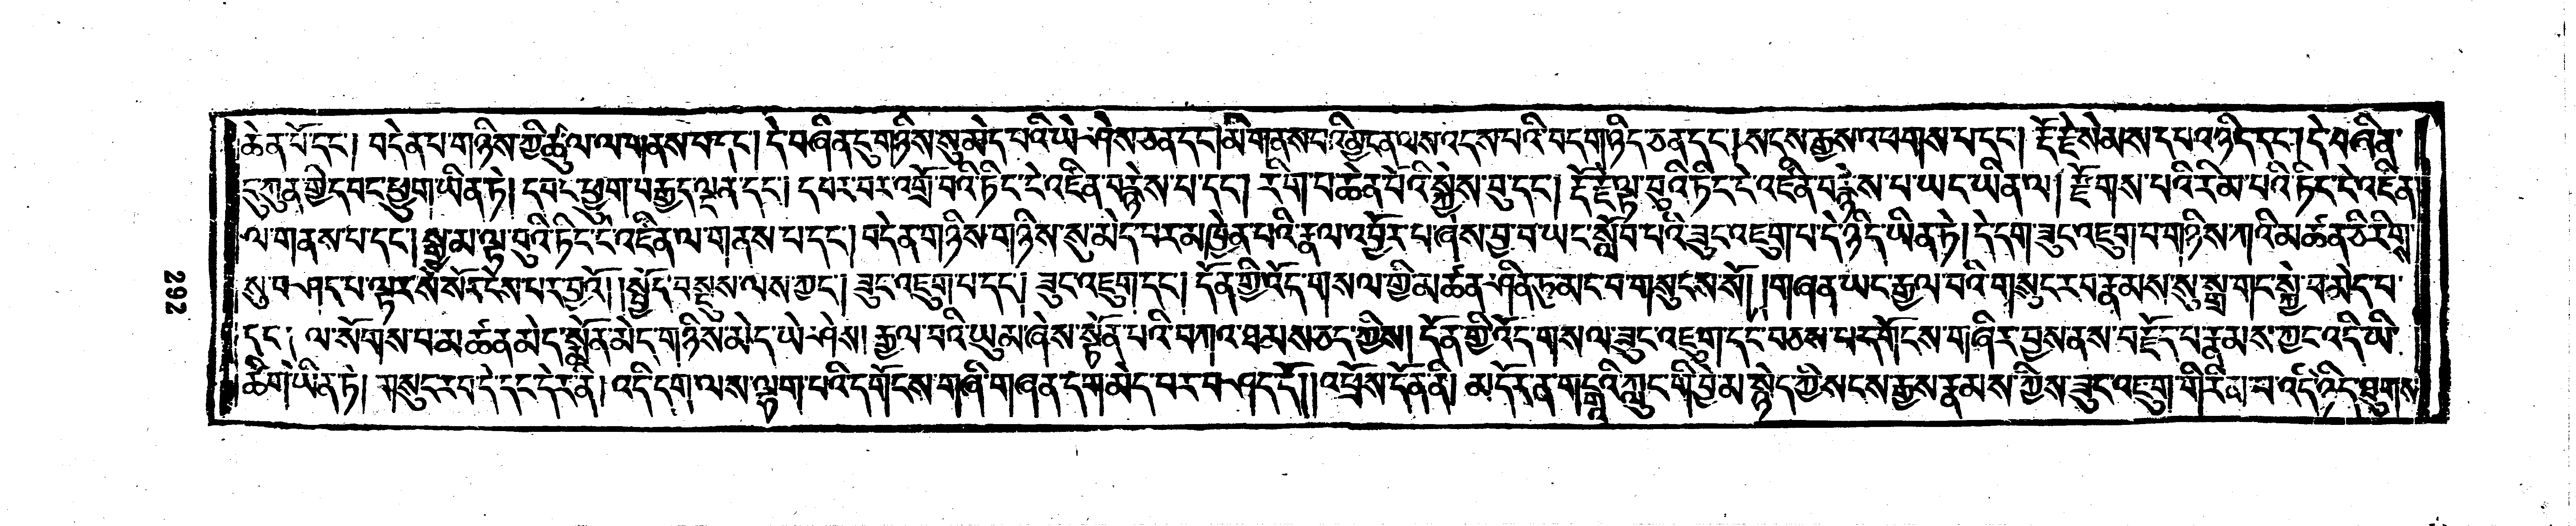ཆེན་པོ་དང་། བདེན་པ་གཉིས་ཀྱི་ཚུལ་ལ་གནས་པ་དང་། དེ་བཞིན་དུ་གཉིས་སུ་མེད་པའི་ཡེ་ཤེས་ཅན་དང་། མི་གནས་པའི་མྱ་ངན་ལས་འདས་པའི་བདག་ཉིད་ཅན་དང་། སངས་རྒྱས་འཕགས་པ་དང་། རྡོ་རྗེ་སེམས་དཔའ་ཉིད་དང་། དེ་བཞིན་
དུ་ཀུན་གྱི་དབང་ཕྱུག་ཡིན་ཏེ། དབང་ཕྱུག་བརྒྱད་ལྡན་དང་། དཔའ་བར་འགྲོ་བའི་ཏིང་ངེ་འཛིན་བརྙེས་པ་དང་། རིག་པ་ཆེན་པོའི་སྐྱེས་བུ་དང་། རྡོ་རྗེ་ལྟ་བུའི་ཏིང་ངེ་འཛིན་བརྙེས་པ་ཡང་ཡིན་ལ། རྫོགས་པའི་རིམ་པའི་ཏིང་ངེ་འཛིན་
ལ་གནས་པ་དང་། སྒྱུ་མ་ལྟ་བུའི་ཏིང་ངེ་འཛིན་ལ་གནས་པ་དང་། བདེན་གཉིས་གཉིས་སུ་མེད་པར་མཁྱེན་པའི་རྣལ་འབྱོར་པ་ཞེས་བྱ་བ་ཡང་སློབ་པའི་ཟུང་འཇུག་པ་དེ་ཉིད་ཡིན་ཏེ། དེ་དག་ཟུང་འཇུག་པ་གཉིས་ཀའི་མཚན་ཅི་རིགས་
སུ་བཤད་པ་ལྟར་སོ་སོར་ངེས་པར་བྱའོ། །སྤྱོད་བསྡུས་ལས་ཀྱང་། ཟུང་འཇུག་པ་དང་། ཟུང་འཇུག་དང་། དོན་གྱི་འོད་གསལ་གྱི་མཚན་ཤིན་ཏུ་མང་བ་གསུངས་སོ། །གཞན་ཡང་རྒྱལ་བའི་གསུང་རབ་རྣམས་སུ་སྒྲ་གང་སྐྱེ་བ་མེད་པ་
དང་། ལ་སོགས་པ་མཚན་མེད་སྨོན་མེད་གཉིས་མེད་ཡེ་ཤེས། རྒྱལ་བའི་ཡུམ་ཞེས་སྟོན་པའི་བཀའ་ཐམས་ཅད་ཀྱིས། དོན་གྱི་འོད་གསལ་ཟུང་འཇུག་དང་བཅས་པ་དགོངས་གཞིར་བྱས་ནས་བརྗོད་པ་རྣམས་ཀྱང་འདི་ཡི་
ཚིག་ཡིན་ཏེ། གསུང་རབ་དེ་དང་དེར་ནི། འདི་དག་ལས་ལྷག་པའི་དགོངས་གཞི་གཞན་དག་མེད་པར་བཤད་དོ། །འཕྲོས་དོན་ནི། མདོར་ན་གངྒཱའི་ཀླུང་གི་བྱེ་མ་སྙེད་ཀྱི་སངས་རྒྱས་རྣམས་ཀྱིས་ཟུང་འཇུག་གི་རིམ་པ་འདི་ཉིད་ཐུགས་